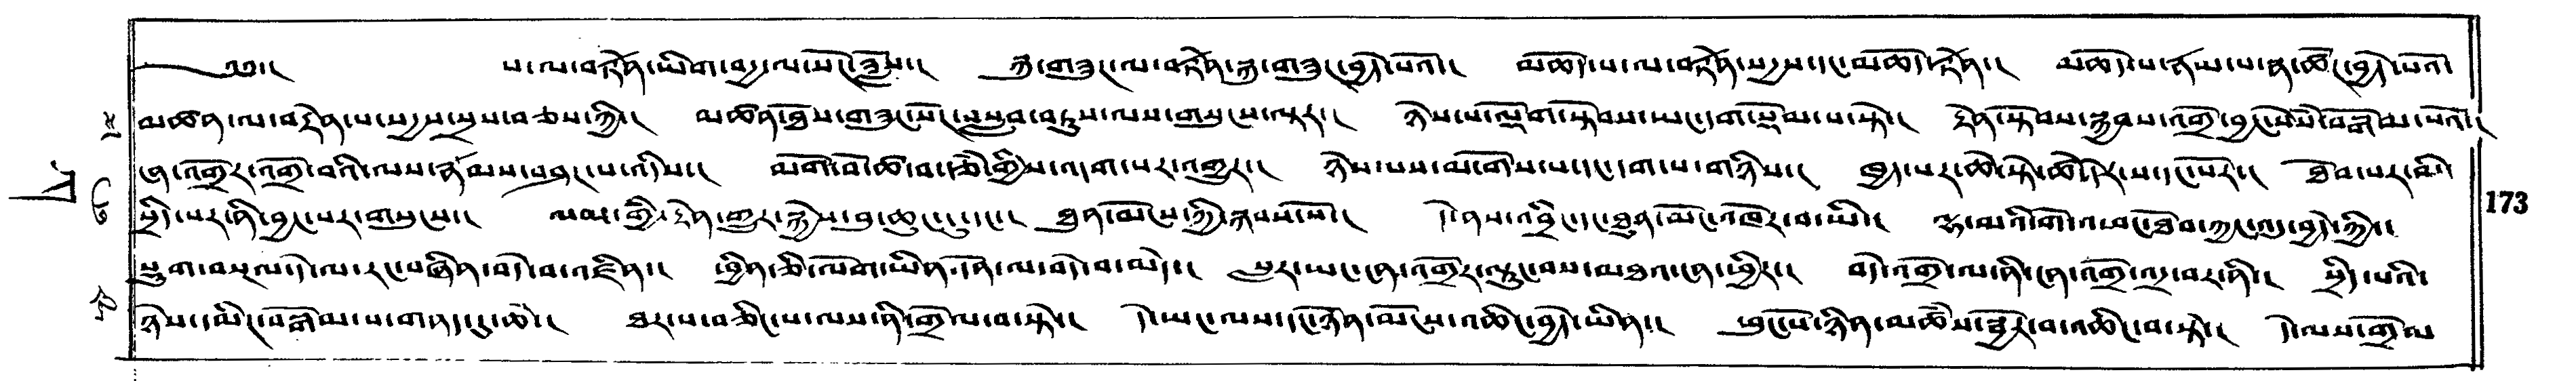པ་ལ་བརྟེན་ཡིག་བརྒྱ་ལ་སོགས་ཟློས། །སྐུ་གཟུགས་ལ་བརྟེན་སྐུ་གཟུགས་བྱེད་པའོ། །མཆོད་པ་ལ་བརྟེན་སངས་རྒྱས་དང་མཆོད་རྟེན། །མཆོད་པ་རྣམ་པ་སྣ་ཚོགས་བྱེད་པའོ། །
མཚན་ལ་བརྟེན་པ་སངས་རྒྱས་སྲས་བཅས་ཀྱི། །མཚན་ཐོས་གཟུངས་སོགས་བསླབ་བཏུས་ལས་གསུངས་ལྟར། །ཉེས་པ་ལྡོག་སྟོབས་ཡང་དག་སྡོམ་པ་སྟེ། །རྟེན་སྟོབས་སྐྱབས་འགྲོ་བྱང་སེམས་བསྒོམ་པའོ། །
ངན་འགྲོར་འགྲོ་བའི་ལས་རྣམས་བཤགས་པ་འདིས། །མགོ་བོ་ཚ་བ་ཙམ་གྱིས་འདག་པར་འགྱུར། །ཉེས་པས་མ་གོས་པ་དང་དག་པ་གཉིས། །ཁྱད་པར་ཆེ་སྟེ་ཚེ་དེར་ས་དང་པོར། །ཐོབ་པར་མི་
སྲིད་པར་ནི་བྱང་སར་གསུངས། །ལམ་གྱི་རྟེན་གྱུར་སྐྱེས་བུ་ཆུང་ངུ་དང་། །ཐུན་མོང་གི་སྐབས་སོ། །དེ་ནས་འབྲིང་དང་ཐུན་མོང་འཁོར་བ་ཡི། །ལྷ་མིའི་གོ་འཕང་ཐོབ་ཀྱང་འདུ་བྱེད་ཀྱི། །
སྡུག་བསྔལ་དེ་ལ་རང་བཞིན་བདེ་བ་འཛིན། །ཕྱིན་ཅི་ལོག་ཡིན་དོན་ལ་བདེ་བ་མེད། །སླར་ཡང་ངན་འགྲོར་ལྟུང་བས་མཐའ་ངན་ཕྱིར། །བདེ་འགྲོ་ལ་ནི་ངན་འགྲོ་འདྲ་བར་ནི། །སྲིད་པའི་
ཉེས་དམིགས་བསྒོམ་པ་གནད་དུ་ཆེ། །ཐར་པ་བཅིངས་པ་ལས་ནི་གྲོལ་བ་སྟེ། །དེ་ཡང་ལས་དང་ཉོན་མོངས་འཆིང་བྱེད་ཡིན། །ཕུང་པོ་ཉིན་མཚམས་སྦྱོར་བ་འཆིང་བ་སྟེ། །དེ་ལས་གྲོལ་